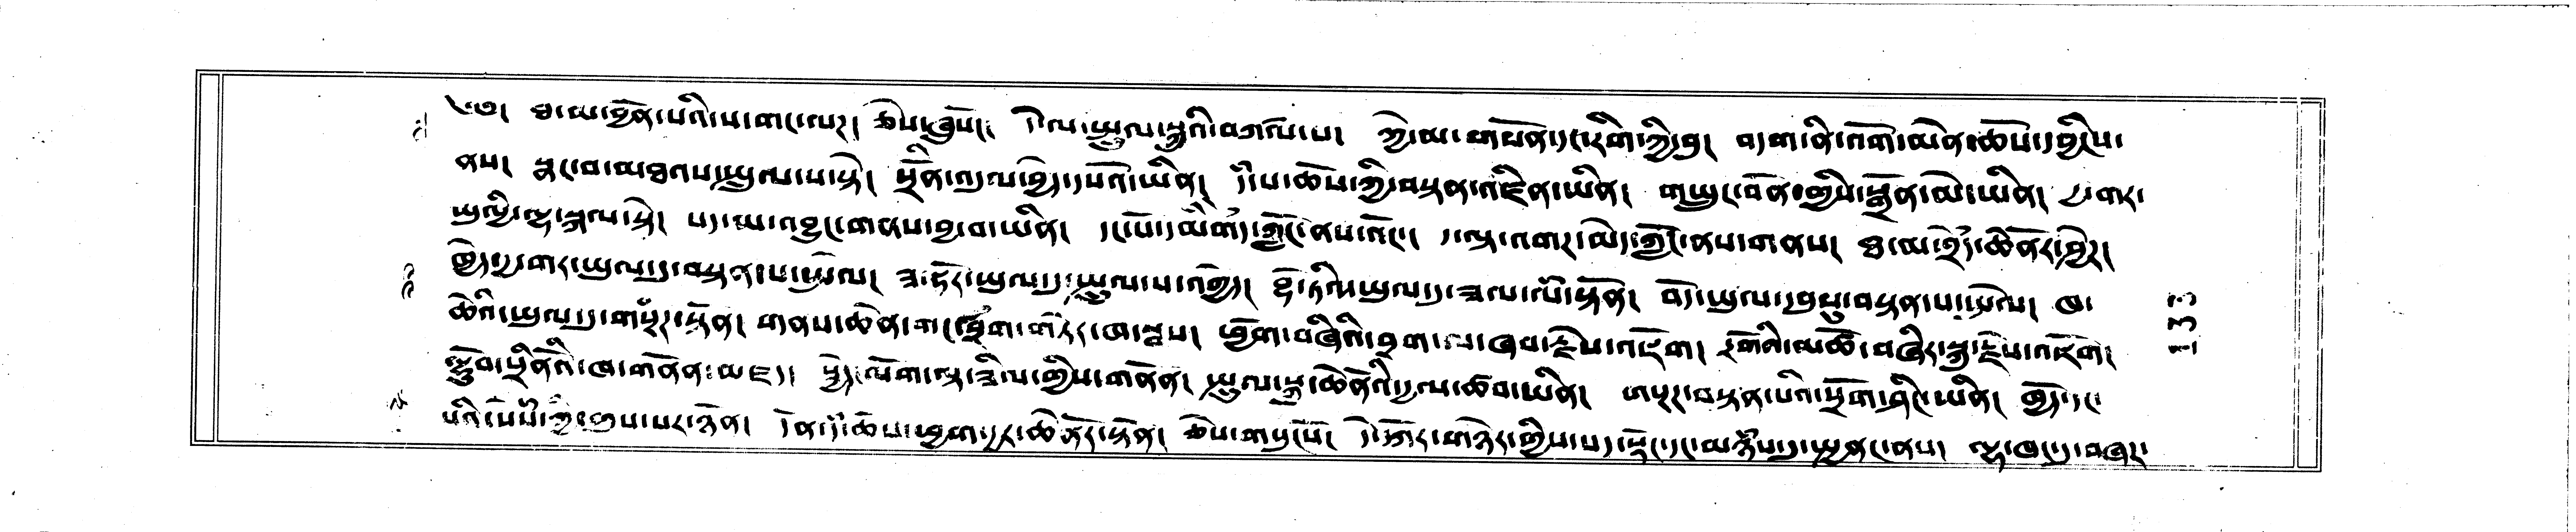ཐ་མ་བྱོན་པའི་ས་གང་ལགས། ཅེས་ཞུས་སོ། །དེ་ལ་སྤྲུལ་སྐུས་བཀའ་སྩལ་པ། ཀྱེ་མ་གསོན་དང་རིགས་ཀྱི་བུ། བདག་ནི་འོག་མིན་ཆོས་དབྱིངས་
ནས། སྣང་བ་མཐའ་ཡས་སྤྲུལ་པ་སྟེ། སྲིན་པོ་འདུལ་བྱེད་དཔའ་བོ་ཡིན། དམ་པ་ཆོས་ཀྱི་བསྟན་འཛིན་ཡིན། གཡུང་དྲུང་བོན་གྱི་སྒྲོན་མེ་ཡིན། རྒྱ་གར་
ཡུལ་གྱི་ལྷ་སྐལ་ཏེ། པད་མ་འབྱུང་གནས་བྱ་བ་ཡིན། དང་པོ་དམིགས་མེད་ཀློང་ནས་འོང་། ད་ལྟ་འགག་མེད་ཀློང་ན་གནས། ཐ་མ་གཉིས་མེད་ཆེན་པོར་གཤེགས། 
ཁྱེད་རྒྱ་གར་ཡུལ་དུ་བསྟན་པ་སྤེལ། ཟ་ཧོར་ཡུལ་དུ་སྤྲུལ་པ་འགྱེད། བྷོ་ཊའི་ཡུལ་དུ་ཟབ་ལམ་སྟོན། བོད་ཡུལ་དབུས་སུ་བསྟན་པ་སྤེལ། ཁ་
ཆེའི་ཡུལ་དུ་གསང་སྔགས་སྟོན། གནས་ཆེན་གངས་བྲག་གཏེར་ཁ་སྦས། ཕྱོགས་བཞིའི་བྲག་ལ་ཞབས་རྗེས་འཇོག དྲག་པོའི་མཚོ་བཞིར་སྐུ་རྗེས་འཇོག 
ལྷོ་ནུབ་སྲིན་པོའི་ཁ་གནོན་མཛད། སྡེ་བརྒྱད་ལོག་ལྟ་ཟིལ་གྱིས་གནོན། སྤྲུལ་སྐུ་ཆེན་པོའི་རྒྱལ་ཚབ་ཡིན། གསང་སྔགས་བསྟན་པའི་སྲོག་ཤིང་ཡིན། ཁྱོད་དྭངས་
པའི་སེམས་ཀྱིས་གུས་པར་ཉོན། དོན་དམ་ཆོས་ཕྱག་རྒྱ་ཆེན་པོ་སྟོན། ཅེས་གསུངས་སོ། དེ་དཀོར་གཉེར་གྱིས་པད་སྡོང་དང་མཉམ་དུ་སྤྱན་དྲངས་ནས། ལྷ་ཁང་དུ་བཞག་